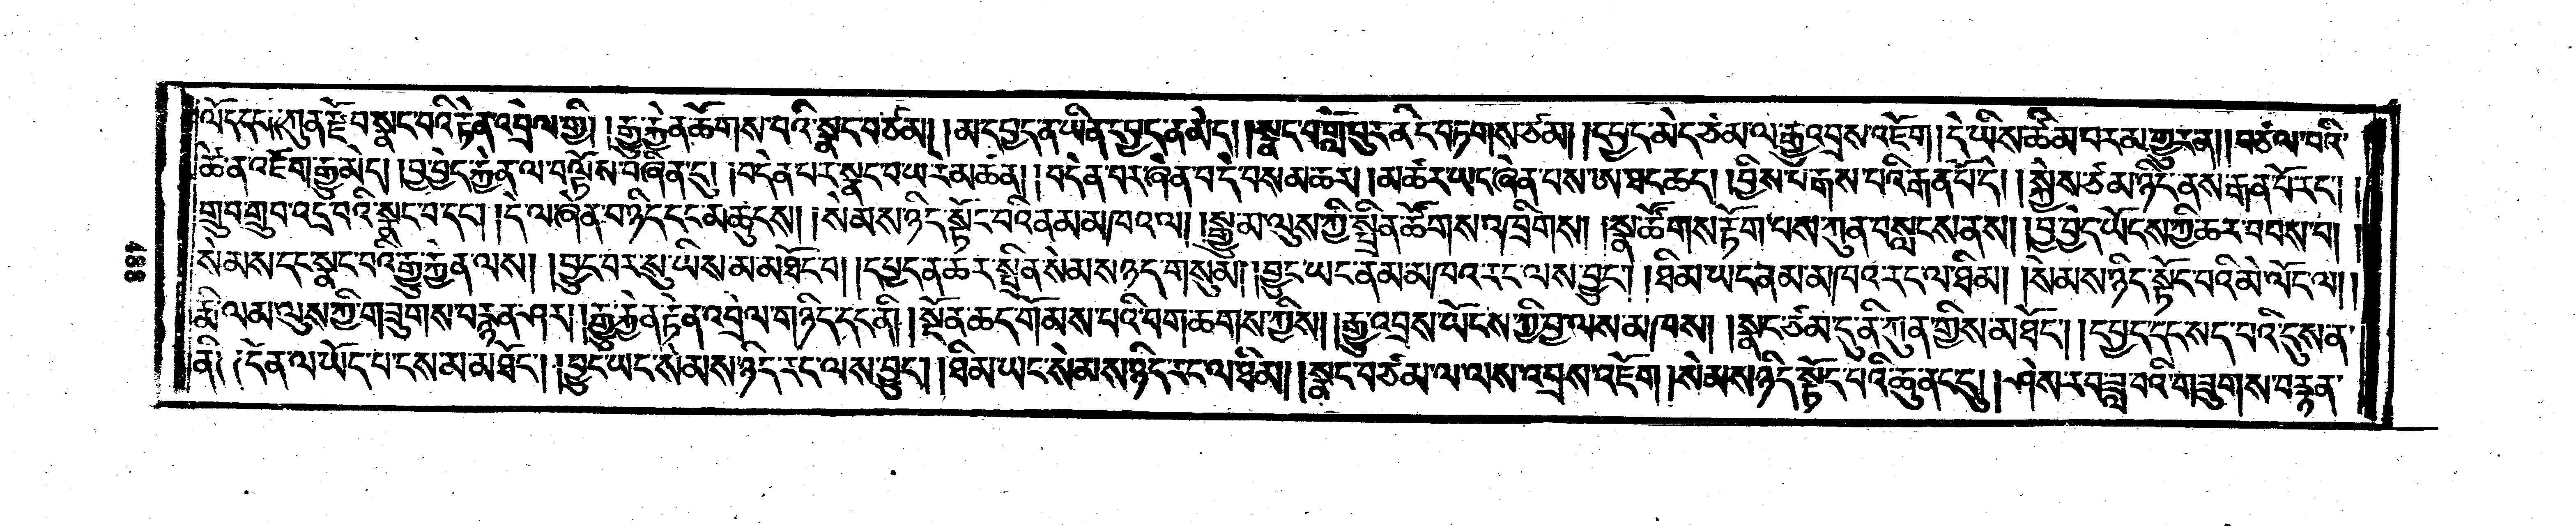ལོང་དང༑ ༑ཀུན་རྫོབ་སྣང་བའི་རྟེན་འབྲེལ་གྱི། །རྒྱུ་རྐྱེན་ཚོགས་པའི་སྣང་བ་ཙམ། །མ་དཔྱད་ན་ཡིན་དཔྱད་ན་མེད། །སྣང་བ་གློ་བུར་མིང་བཏགས་ཅན། །དཔྱད་མེད་ཙམ་ལ་རྒྱུ་འབྲས་འཇོག །དེ་ཡིས་ཚིམ་པར་མ་གྱུར་ན། །བཙལ་བའི་
ཚེན་འཇོག་རྒྱུ་མེད། །བྱ་བྱེད་རྐྱེན་ལ་བལྟོས་བཞིན་དུ། །བདེན་པར་སྣང་བ་ཡ་རེ་མཚན། །བདེན་པར་ཞེན་པ་དེ་བས་མཚར། །མཚར་ཡང་ཞེན་པས་ཨ་ཐང་ཆད། །བྱིས་པ་རྒས་པའི་རྒན་པོ་དེ། །སྐྱེས་ཙམ་ཉིད་ནས་རྒན་པོ་རང་། །
གྲུབ་གྲུབ་འདྲ་བའི་སྣང་བ་དང་། །དེ་ལ་ཞེན་པ་ཉིད་དང་མཚུངས། །སེམས་ཉིད་སྟོང་པའི་ནམ་མཁའ་ལ། །སྒྱུ་མ་ལུས་ཀྱི་སྤྲིན་ཚོགས་འཁྲིགས། །སྣ་ཚོགས་རྟོག་པས་ཀུན་བསླངས་ནས། །བྱ་བྱེད་ཡོངས་ཀྱི་ཆར་བབས་པ། །
སེམས་དང་སྣང་བའི་རྒྱུ་རྐྱེན་ལས། །བྱུང་བར་སུ་ཡིས་མ་མཐོང་བ། །དཔྱད་ན་ཆར་སྤྲིན་སེམས་ཉིད་གསུམ། །བྱུང་ཡང་ནམ་མཁའ་རང་ལས་བྱུང་། །ཐིམ་ཡང་ནམ་མཁའ་རང་ལ་ཐིམ། །སེམས་ཉིད་སྟོང་པའི་མེ་ལོང་ལ། །
རྨི་ལམ་ལུས་ཀྱི་གཟུགས་བརྙན་ཤར། །རྒྱུ་རྐྱེན་རྟེན་འབྲེལ་གཉིད་དང་ནི། །སྔོན་ཆད་གོམས་པའི་བག་ཆགས་ཀྱིས། །རྒྱུ་འབྲས་ཡོངས་ཀྱི་བྱ་ལས་མཁས། །སྣང་ཙམ་དུ་ནི་ཀུན་གྱིས་མཐོང་། །དཔྱད་དང་སད་པའི་དུས་ན་
ནི༑ ༑དོན་ལ་ཡོད་པ་ངས་མ་མཐོང་། །བྱུང་ཡང་སེམས་ཉིད་རང་ལས་བྱུང་། །ཐིམ་ཡང་སེམས་ཉིད་རང་ལ་ཐིམ། །སང་བ་ཙམ་ལ་ལས་འབྲས་འཇོག །སེམས་ཉིད་སྟོང་པའི་ཆུ་ནང་དུ། །ཤེས་རབ་ཟླ་བའི་གཟུགས་བརྙན་